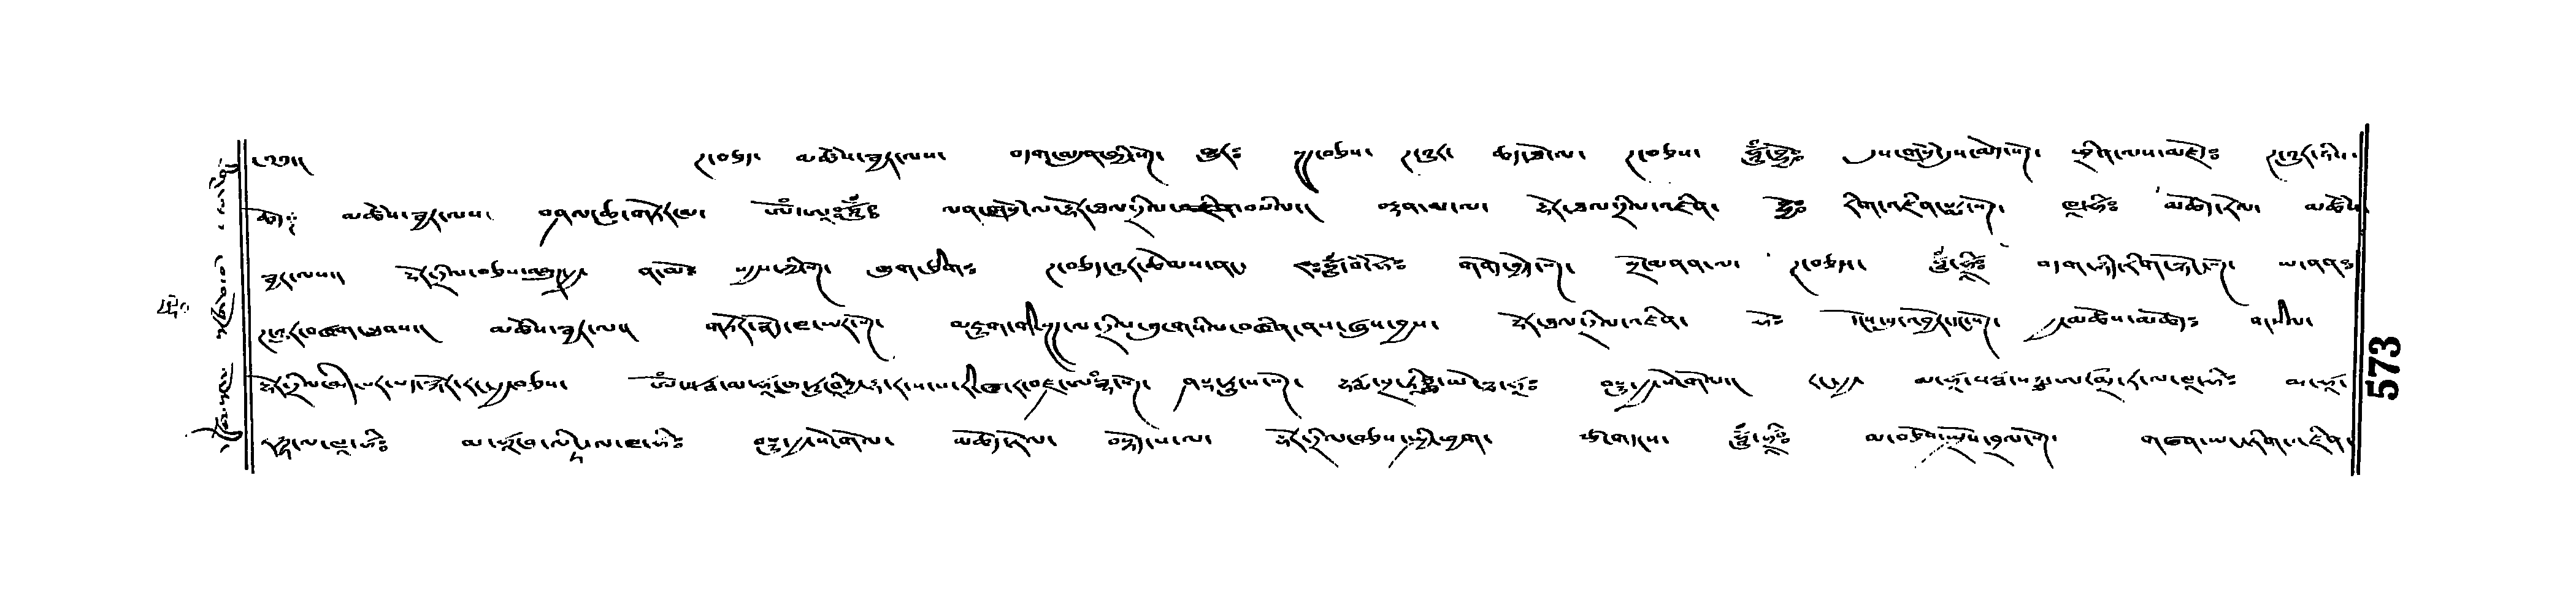ཌཱ་བཅད། མཚམས་སྦྱར་ལས། བདག་མདུན་གྱི་སོགས། གྱུརཿ སྔགས་བཅས། ཌཱ་འུར། ཆད་ཐོ་ལ། ཌཱ་བཅས། ཧཱུྃ་བྷྱོཿ དུས་གསུམ་དུས་མེད་སོགས། ཕྲིན་ལས་མཛོདཿ ཌཱ་འུར་ཉིས་
ཆོད། མཚམས་སྦྱར་ལས། བཤལ་ཆུ་གཏོར་མ། ཨོཾ་ཨཱཿཧཱུྃཿ ལན་གསུམ་ལ་རྡོར་ཐལ་དྲིལ་བསིལ། བརྟན་མ་ལ། རྡོར་ཐལ་དྲིལ་འཛིན། བྷྱོཿ རིག་འཛིན་པདྨ་སོགས། ཁཱ་ཧིཿ མཆོད་རོལ། མཚམས་
སྦྱར་ལས། རྡོར་དྲིལ་བཅས་འགུགས་རྒྱ། ན་མོཿ སངས་རྒྱས་ཀྱི་སོགས། ཁུག་ཅིགཿ ཌཱ་བཅད་འུར་ཆེམས་ནང་། ཛཿཧཱུྃ་བམ་ཧོཿ གནོད་བྱེད་སོགས། བྲོ་མནན་ལ། ཌཱ་བཅད། ཧཱུྃ་ཧྲཱིཿ བདག་ཉིད་རིག་སྟོང་སོགས། ཡ་ནནཿ 
ཌཱ་འུར་བཞག་ཐབས། མཚམས་སྦྱར་ལ། གཏོར་སྣོད་ཁ་ཡར་སོགས། མཇུག་གི་སྔགས་ལ་དྲིལ་བུ་གསིལ་བཞིན་ནས་ཞུས་བྱ། རྡོར་ཐལ་དྲིལ་འཛིན། ཧོཿ དངོས་སུ་འབྱོར་དང་སོགས། རྒྱ་མཚོས་མཆོདཿ གསིལ།
རྡོར་དྲིལ་མེད་པར་པད་སྐོར་རང་རྒྱ་བཅས། ཨོཾ་སརྦ་མ་ཧཱ་གུ་རུ་བཱིདྱ་དྷ་ར་ས་པ་རི་ཝ་ར་བཛྲ་ཨརྒྷཾ་སོགས། ཤབྡ་རཱུ་པ་སོགས། དྷརྨ་པྲ་ཏིཙྪ་ཡེ་སྭཱ་ཧཱཿ བསྡུ་རྒྱ་སེ་གོལ། རང་རྒྱ། མ་ཧཱ་སརྦ་པཉྩ་ཨ་མྲྀ་ཏ་ལ་ཁཱ་ཧིཿ མ་ཧཱ་
རཀྟ་ལ་ཁཱ་ཧིཿ མ་ཧཱ་བ་ལིངྟ་ལ་ཁ་ཧིཿ བསྡུ་རྒྱ་སེ་གོལ། མཆོད་རོལ། བསྟོད་པ་ལ། རྡོར་དྲིལ་བཅས་སྤྱི་ཕྱག རྩ་གདངས། ཧཱུྃ་ཧྲཱིཿ མ་བཅོས་སྤྲོས་བྲལ་སོགས། གཞན་ཡང་རིག་འཛིན་